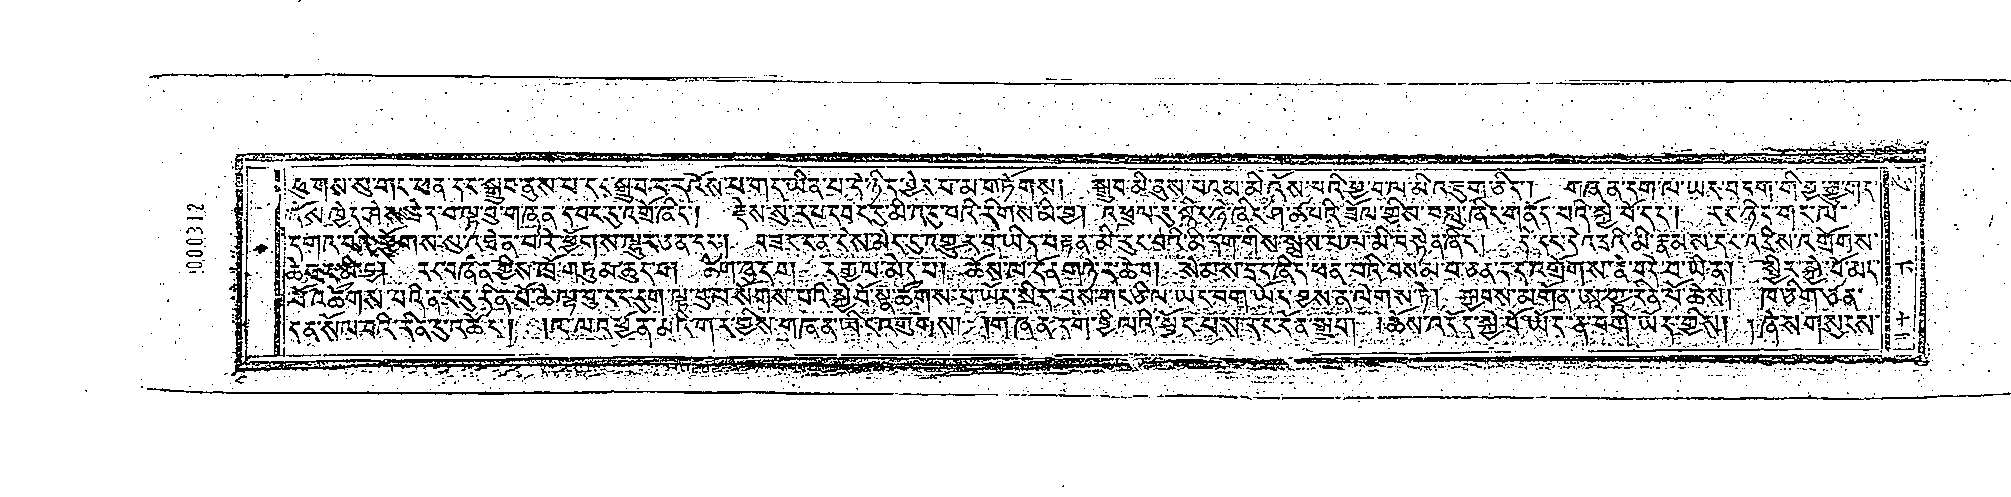ཕུགས་སུ་གང་ཕན་དང་སྒྲུབ་ནུས་པ་དང་སྒྲུབ་པར་འོས་པ་གང་ཡིན་པ་དེ་ཉིད་བྱེད་པ་མ་གཏོགས། སྒྲུབ་མི་ནུས་པའམ་མི་འོས་པའི་ཕྱ་བ་ལ་མི་འཇུག་ཅིང་། གཞན་དག་ལ་ཡང་བདག་གི་བྱ་རྒྱུ་གང་
འོས་ཁྱེད་ཤེས་ཟེར་བ་ལྟ་བུ་གཞན་དབང་དུ་འགྲོ་ཞིང་། རྗེས་སུ་རབ་དབང་དུ་མི་འདུ་བའི་རིགས་མི་བྱ། འཕྲལ་དུ་སྙིང་ཉེ་ཞིང་ཤ་ཚ་བའི་ཟོལ་གྱིས་བསླུ་ཞིང་གནོད་པའི་སྐྱེ་བོ་དང་། རང་ཉིད་གང་ལ་
དགའ་བའི་ཕྱོགས་སུ་འཐེན་པའི་ཕྱོགས་ལྷུང་ཅན་དང་། བཟང་ངན་ངེས་མེད་དུ་འགྱུར་བ་ཡིད་བརྟན་མི་རུང་བའི་མི་དག་གིས་སྨྲས་པ་ལ་མི་བསྟེན་ཞིང་། དེ་དང་དེ་འདྲའི་མི་རྣམས་དང་འདྲིས་འགྲོགས་
ཆེ་བར་མི་བྱ། རང་བཞིན་གྱིས་ཁྲོ་གཏུམ་ཆུད་བ། ཚིག་ཞུང་བ། ང་རྒྱལ་མེད་པ། ཆོས་ལ་དོན་གཉེར་ཆེ་བ། སེམས་དྲང་ཞིང་ཕན་པའི་བསམ་བ་ཅན་དང་འགྲོགས་ན་བདེ་བ་ཡིན། སྤྱིར་སྐྱེ་བོ་མང་
པོ་འཚོགས་པའི་ནང་དུ་རིན་པོ་ཆེ་ལྟ་བུ་དང་དུག་ལྟ་བུ་ལ་སོགས་པའི་སྐྱེ་བོ་སྣ་ཚོགས་པ་ཡོད་སྲིད་པས་གང་ཅི་ལ་ཡང་བག་ཡོད་བྱས་ན་ལེགས་ཏེ། སྐྱབས་མགོན་ཨཱ་ཀྱཱ་རིན་པོ་ཆེས། ཁ་ཅིག་ཙན་
དན་སོལ་བའི་རིན་དུ་འཚེར། །ལ་ལ་འཕྱོན་མའི་གར་གྱིས་གཞན་ཡིད་འགུགས། །གཞན་དག་བྱི་ལའི་སྦྱོང་པས་རང་དོན་སྒྲུབ། །ཆོས་འདོད་སྐྱེ་བོ་ཡོད་ན་བག་ཡོད་གྱིས། །ཞེས་གསུངས་